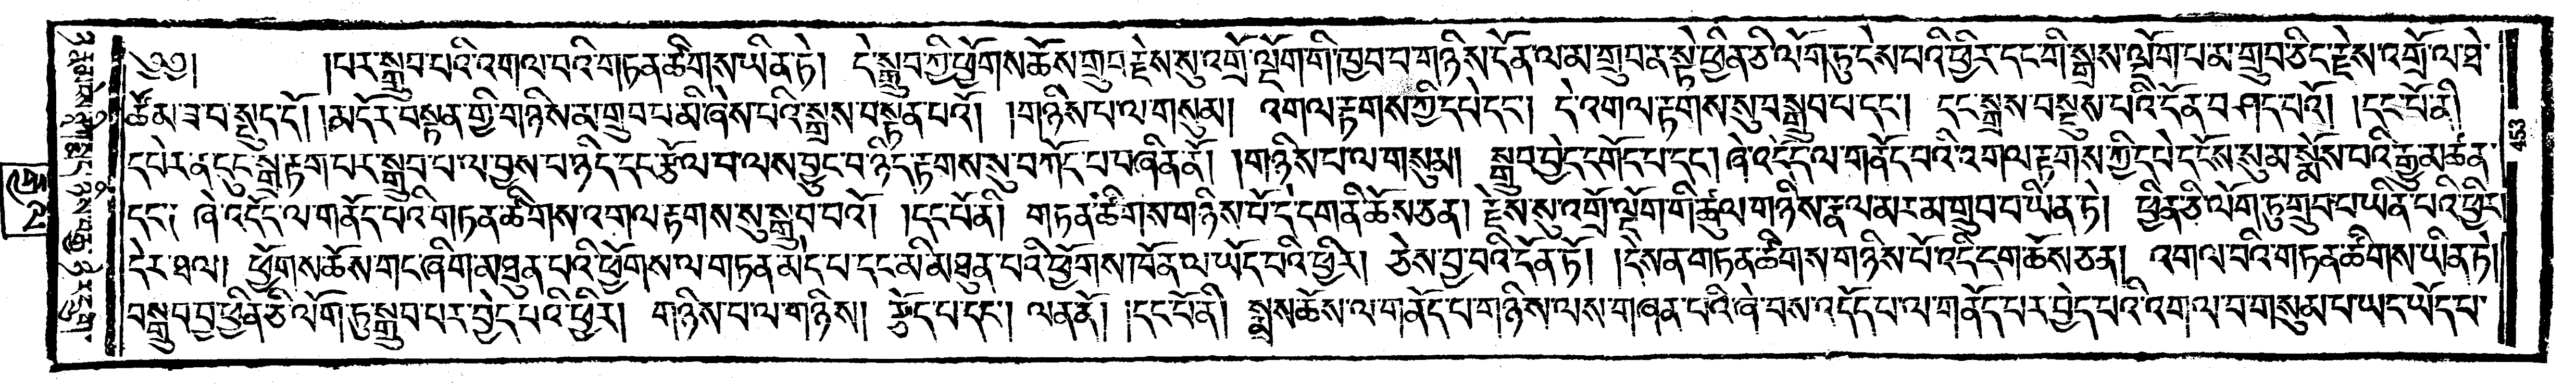༄༅། །པར་སྒྲུབ་པའི་འགལ་བའི་གཏན་ཚིགས་ཡིན་ཏེ། དེ་སྒྲུབ་ཀྱི་ཕྱོགས་ཆོས་གྲུབ་རྗེས་སུ་འགྲོ་ལྡོག་གི་ཁྱབ་པ་གཉིས་དོན་ལ་མ་གྲུབ་ན་སྟེ་ཕྱིན་ཅི་ལོག་ཏུ་ངེས་པའི་ཕྱིར་དང་གི་སྒྲས་ལྡོག་པ་མ་གྲུབ་ཅིང་རྗེས་འགྲོ་ལ་ཐེ་
ཚོམ་ཟ་བ་སྡུད་དོ། །མདོར་བསྟན་གྱི་གཉིས་མ་གྲུབ་པ་མི་ཞེས་པའི་སྒྲས་བསྟན་པའོ། །གཉིས་པ་ལ་གསུམ། འགལ་རྟགས་ཀྱི་དཔེ་དང་། དེ་འགལ་རྟགས་སུ་བསྒྲུབ་པ་དང་། དང་སྒྲས་བསྡུས་པའི་དོན་བཤད་པའོ། །དང་པོ་ནི།
དཔེར་ན་དུང་སྒྲ་རྟག་པར་སྒྲུབ་པ་ལ་བྱས་པ་ཉིད་དང་རྩོལ་བ་ལས་བྱུང་བ་ཉིད་རྟགས་སུ་བཀོད་པ་བཞིན་ནོ། །གཉིས་པ་ལ་གསུམ། སྒྲུབ་བྱེད་དགོད་པ་དང་། ཞེ་འདོད་ལ་གནོད་པའི་འགལ་རྟགས་ཀྱི་དཔེ་དངོས་སུམ་སྨོས་པའི་རྒྱུ་མཚན་
དང༑ ཞེ་འདོད་ལ་གནོད་པའི་གཏན་ཚིགས་འགལ་རྟགས་སུ་སྒྲུབ་པའོ། །དང་པོ་ནི། གཏན་ཚིགས་གཉིས་པོ་དེ་དག་ནི་ཆོས་ཅན། རྗེས་སུ་འགྲོ་ལྡོག་གི་ཚུལ་གཉིས་རྣལ་མར་མ་གྲུབ་པ་ཡིན་ཏེ། ཕྱིན་ཅི་ལོག་ཏུ་གྲུབ་པ་ཡིན་པའི་ཕྱིར།
དེར་ཐལ། ཕྱོགས་ཆོས་གང་ཞིག་མཐུན་པའི་ཕྱོགས་ལ་གཏན་མེད་པ་དང་མི་མཐུན་པའི་ཕྱོགས་ཁོ་ན་ལ་ཡོད་པའི་ཕྱིར། ཅེས་བྱ་བའི་དོན་ཏོ། །དེས་ན་གཏན་ཚིགས་གཉིས་པོ་འདི་དག་ཆོས་ཅན། འགལ་བའི་གཏན་ཚིགས་ཡིན་ཏེ།
བསྒྲུབ་བྱ་ཕྱིན་ཅི་ལོག་ཏུ་སྒྲུབ་པར་བྱེད་པའི་ཕྱིར། གཉིས་པ་ལ་གཉིས། རྩོད་པ་དང་། ལན་ནོ། །དང་པོ་ནི། སྨྲས་ཆོས་ལ་གནོད་པ་གཉིས་ལས་གཞན་པའི་ཞེ་བས་འདོད་པ་ལ་གནོད་པར་བྱེད་པའི་འགལ་བ་གསུམ་པ་ཡང་ཡོད་པ་